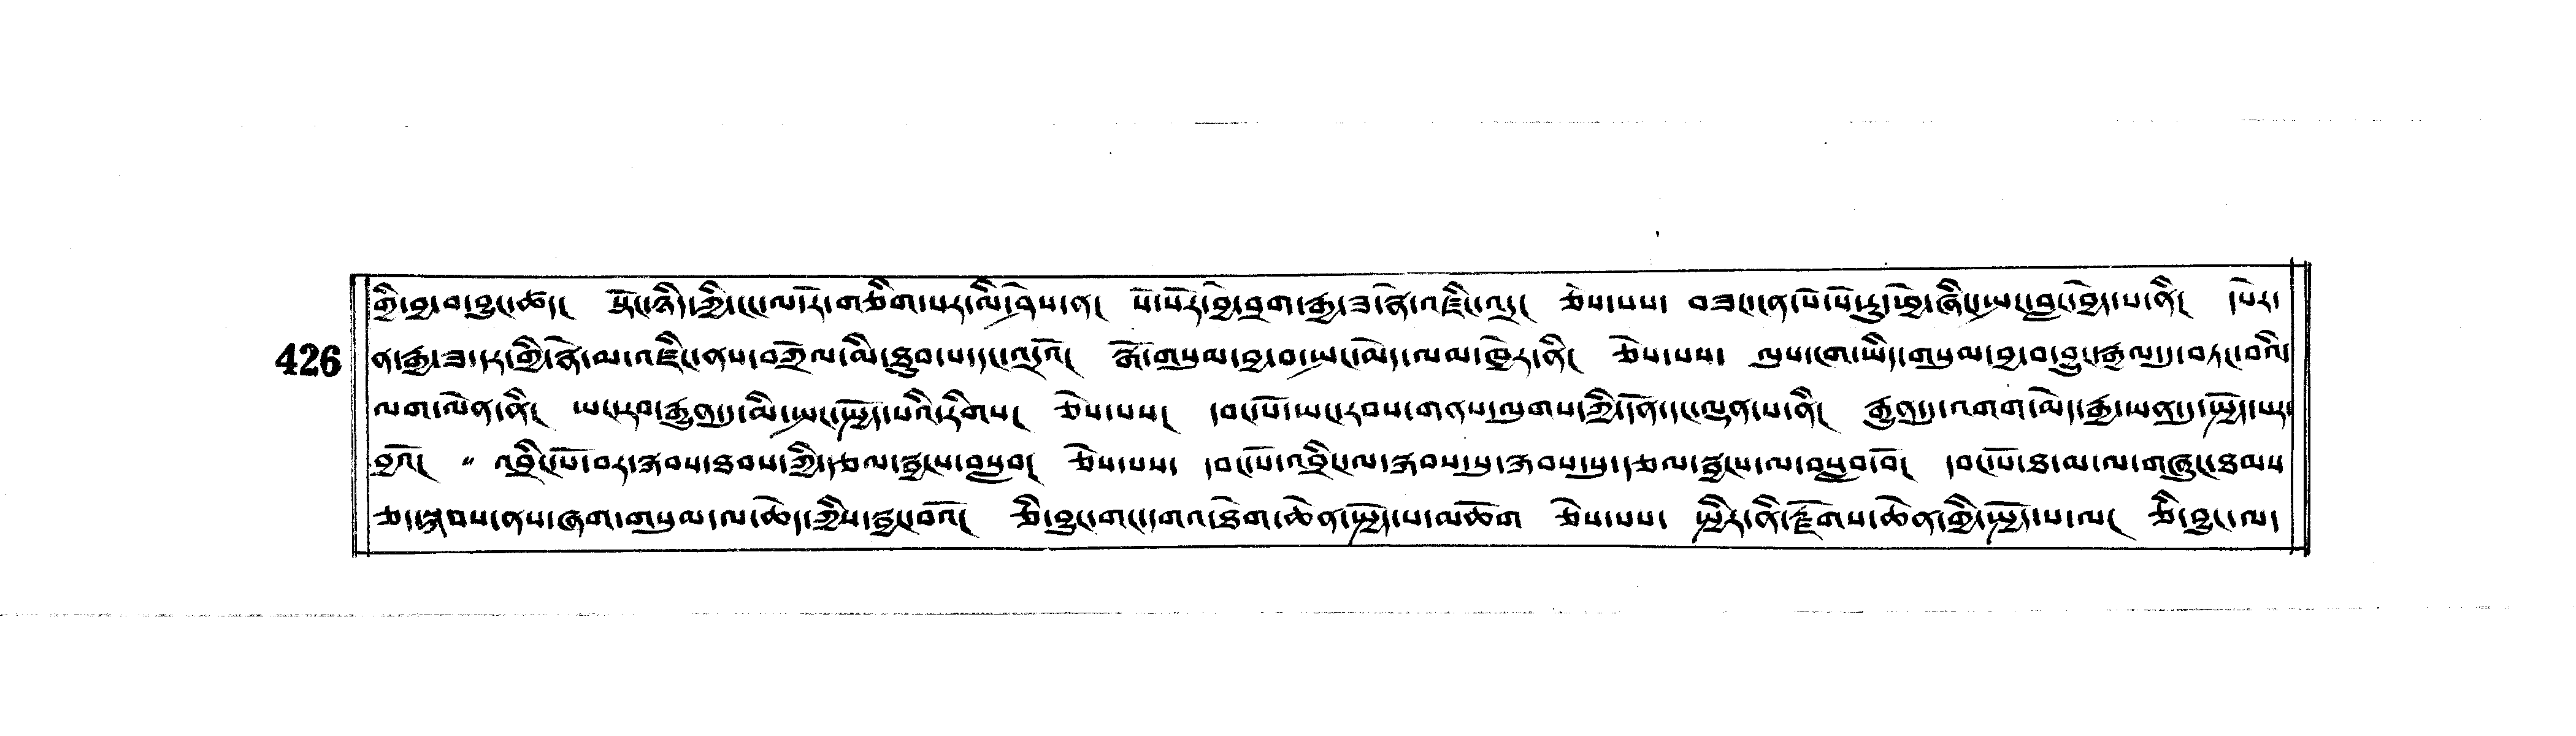གྱི་བྱ་བ་བྱུང་ཚད། སྟོང་ཉིད་ཀྱི་ངང་ལ་རོ་གཅིག་པར་མི་ཤེས་ན། སོ་སོར་བྱེ་བྲག་རྒྱ་བྱ་སྣེ་འཛིང་འདྲ། ཞེས་པས། བཟང་ངན་སོ་སོ་རུ་ཕྱེ་ཞིང་སྤང་བླང་བྱེད་པ་ནི། དཔེར་
ན་རྒྱ་ཟ་དར་གྱི་སྣེ་ལ་འཛིང་ནས་བཀྲོལ་མ་ཐུབ་པ་དང་འདྲ། སྒོ་གསུམ་བྱ་བ་སྤང་མེད་ལམ་ཁྱེར་ནི། ཅེས་པས། ལུས་ངག་ཡིད་གསུམ་བྱ་བ་བྱུང་རྒྱལ་དུ་བཏང་བའི་
ལག་ལེན་ནི། ཡང་རབ་རྒྱུན་དུ་མི་སྤང་སྤྱོད་པའི་རིགས། ཅེས་པས། དབང་པོ་ཡང་རབ་གནས་ལུགས་ཀྱི་དོན་དང་ལྡན་པ་ནི། རྒྱུན་དུ་འགག་མེད་རྒྱ་ཡན་དུ་སྤྱོད་པར་
བྱའོ། ༧ འབྲིང་པོ་བར་སྐབས་ཐབས་ཀྱི་རྩལ་སྦྱངས་བསླབ། ཅེས་པས། དབང་པོ་འབྲིང་ལ་སྐབས་སུ་སྐབས་སུ་རྩལ་སྦྱང་ལ་བསླབ་བོ། དབང་པོ་ཐ་མ་ལ་གཞུང་ཐམས་
ཅད་སྐབས་ནས་ཞག་གསུམ་ལ་ཆེད་ཀྱིས་སྦྱང་བའོ། ཅི་བྱུང་གང་དགའ་ཐེག་ཆེན་སྤྱོད་པ་མཆོག། ཅེས་པས། སྤྱིར་ནི་རྫོགས་ཆེན་གྱི་སྤྱོད་པ་ལ་